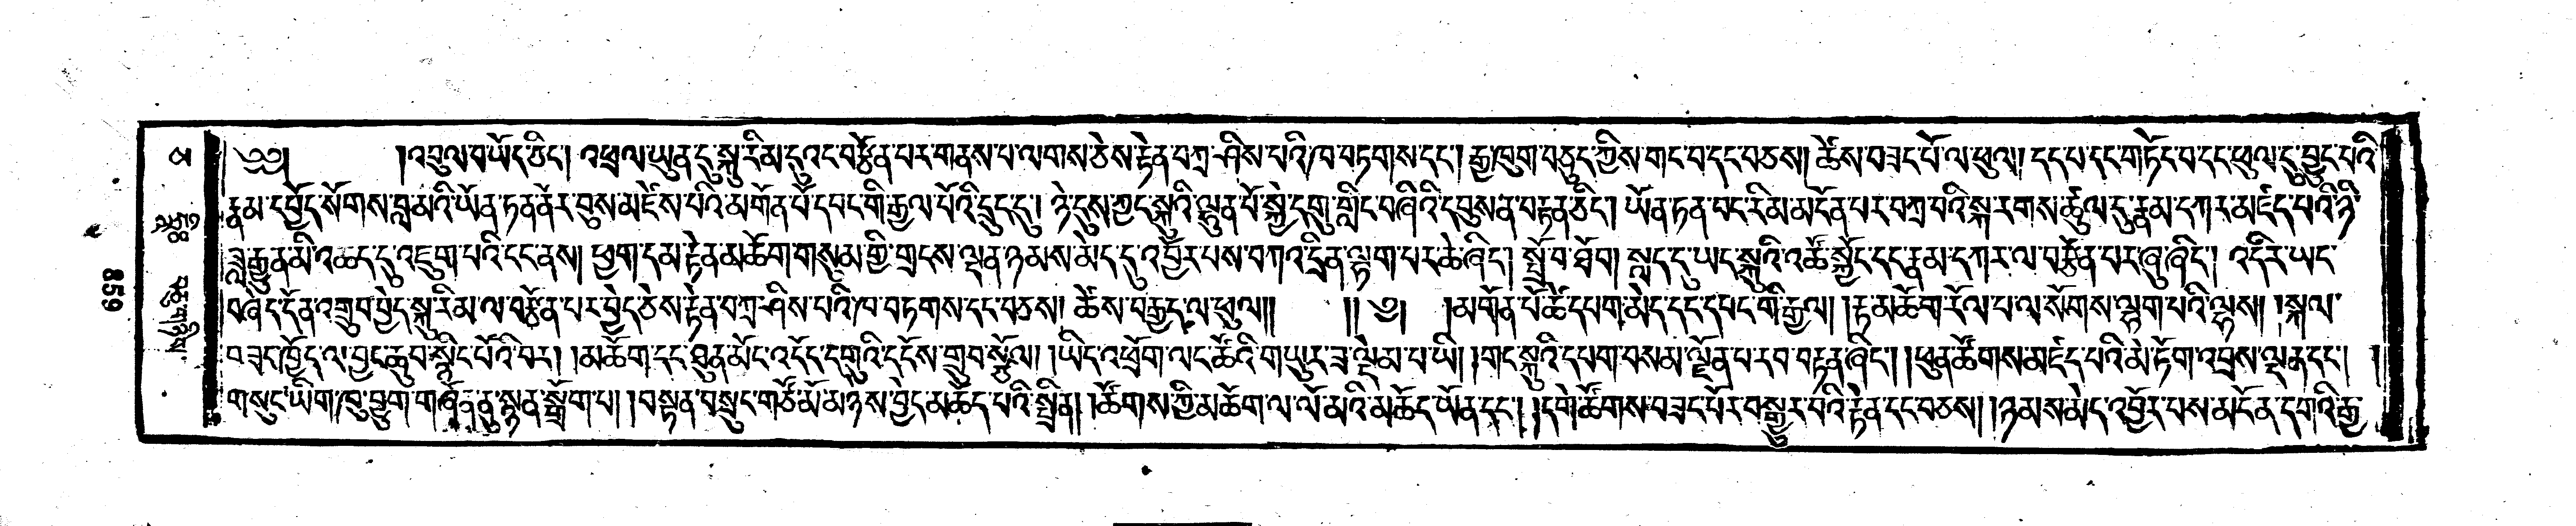༄༅། །འབུལ་བ་ཡོད་ཅིང་། འཕྲལ་ཡུན་དུ་སྐུ་རིམ་དུའང་བརྩོན་པར་གནས་པ་ལགས་ཅེས་རྟེན་བཀྲ་ཤིས་པའི་ཁ་བཏགས་དང་། རྒྱ་ཁུག་བཅུད་ཀྱིས་གང་བ་དང་བཅས། ཚེས་བཟང་པོ་ལ་ཕུལ། དད་པ་དང་གཏོང་བ་དང་ཕུལ་དུ་བྱུང་བའི་
རྣམ་དཔྱོད་སོགས་བླ་མའི་ཡོན་ཏན་ནོར་བུས་མཛེས་པའི་མགོན་པོ་དབང་གི་རྒྱལ་པོའི་དྲུང་དུ། ཉེ་དུས་ཀྱང་སྐུའི་ལྷུན་པོ་སྐྱེ་དགུ་གླིང་བཞིའི་དབུས་ན་བརྟན་ཅིང་། ཡོན་ཏན་བང་རིམ་མངོན་པར་བཀྲ་བའི་སྐ་རགས་ཚུལ་དུ་རྣམ་དཀར་མཛད་པའི་ཉི་
ཟླ་རྒྱུན་མི་འཆད་དུ་འཇུག་པའི་ངང་ནས། ཕྱག་དམ་རྟེན་མཆོག་གསུམ་གྱི་གྲངས་ལྡན་ཉམས་མེད་དུ་འབྱོར་བས་བཀའ་དྲིན་ལྷག་པར་ཆེ་ཞིང་། སྤྲོ་བ་ཐོབ། སླད་དུ་ཡང་སྐུའི་འཚོ་སྐྱོང་དང་རྣམ་དཀར་ལ་བརྩོན་པར་ཞུ་ཞིང་། འདིར་ཡང་
བཞེད་དོན་འགྲུབ་བྱེད་སྐུ་རིམ་ལ་བརྩོན་པར་བྱེད་ཅེས་རྟེན་བཀྲ་ཤིས་པའི་ཁ་བཏགས་དང་བཅས། ཚེས་བརྒྱད་ལ་ཕུལ།། །།༄༅། །མགོན་པོ་ཚེ་དཔག་མེད་དང་དབང་གི་རྒྱལ། །རྟ་མཆོག་རོལ་པ་ལ་སོགས་ལྷག་པའི་ལྷས། །སྐལ་
བཟང་ཁྱོད་ལ་བྱང་ཆུབ་སྙིང་པོའི་བར། །མཆོག་དང་ཐུན་མོང་འདོད་དགུའི་དངོས་གྲུབ་སྩོལ། །ཡིད་འཕྲོག་ལང་ཚོའི་གཡུར་ཟ་ལྡེམ་པ་ཡི། །གང་སྐུའི་དཔག་བསམ་ལྗོན་པ་རབ་བརྟན་ཞིང་། །ཕུན་ཚོགས་མཛད་པའི་མེ་ཏོག་འབྲས་ལྡན་དང་། །
གསུང་ཡིག་ཁུ་བྱུག་གཞོན་ནུ་སྙན་སྒྲོག་པ། །བསྟན་བསྲུང་གཙོ་མོ་མཉེས་བྱེད་མཆོད་པའི་སྤྲིན། །ཚོགས་ཀྱི་མཆོག་ལ་ལོ་མའི་མཆོད་ཡོན་དང་། །དགེ་ཚོགས་བཟང་པོར་བསྒྱུར་བའི་རྟེན་དང་བཅས། །ཉམས་མེད་འབྱོར་བས་མངོན་དགའི་རྒྱ་